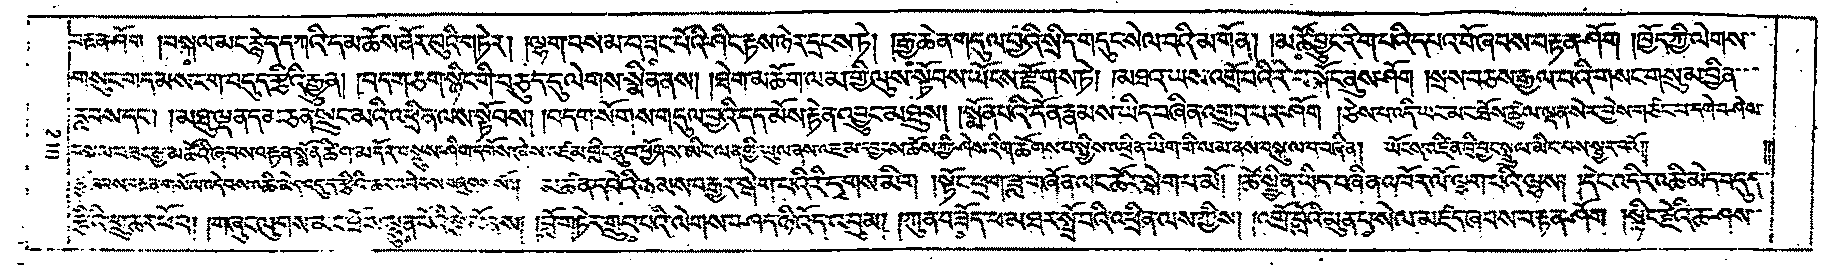བརྟན་ཤོག །བསྐལ྾་མང་རྙེད་དཀའི་དམ་ཆོས་ནོར་བུའི་གཏེར། །ལྷག་བསམ་བཟང་པོའི་ཤིང་རྟས་ཉེར་དྲངས་ཏེ། །རྒྱ྾་ཆེན་གདུལ་བྱའི་སྲིད་གདུང་སེལ་བའི་མགོན། །མཚོ྾་བྱུང་རིག་པའི་དཔའ་བོ་ཞབས་བརྟན་ཤོག །ཁྱོད་ཀྱི་ལེགས་
གསུང་གདམས་ངག་བདུད་རྩིའི་རྒྱུན། །བདག་ཅག་སྙིང་གི་བཅུད་དུ་ལེགས་སྨིན་ནས། །ཐེག་མཆོག་ལམ་གྱི་ལུས་སྟོབས་ཡོངས་རྫོགས་ཏེ། །མཐའ་ཡས་འགྲོ་བའི་རེ་བ་སྐོང་ནུས་ཤོག །སྲས་བཅས་རྒྱལ་བའི་གསང་གསུམ་བྱིན་
རླབས་དང་། །མཐུ་ལྡན་དམ་ཅན་སྲུང་མའི་འཕྲིན་ལས་སྟོབས། །བདག་སོགས་གདུལ་བྱའི་དད་མོས་རྟེན་འབྱུང་མཐུས། །སྨོན་པའི་དོན་རྣམས་ཡིད་བཞིན་འགྲུབ་པར་ཤོག །ཅེས་པ་འདི་ཡང་མང་ཐོས་ཚུལ་ལྡན་སེར་བྱེས་གཙང་པ་དགེ་བཤེས་
བསྐལ་བཟང་རྒྱ་མཚོའི་ཞབས་བརྟན་སྨོན་ཚིག་མདོར་བསྡུས་ཤིག་དགོས་ཞེ་ས་འཛམ་གླིང་ནུབ་ཕྱོགས་ཨིང་ལན་གྱི་ཡུལ་ནས་འཇམ་དབྱངས་ཆོས་ཀྱི་ཤེས་རིག་ཚོགས་པ་སྤྱིས་འཕྲིན་ཡིག་གི་ལམ་ནས་བསྐུལ་བ་བཞིན། །ཡོངས་འཛིན་ཁྲི་བྱང་སྤྲུལ་མིང་པས་སྦྱར་བའོ།། །།
༈ ཞབས་བརྟན་གསོལ་འདེབས་འཆི་མེད་བདུད་རྩིའི་ཆར་འབེབས་འཆུམས་སོ།། མཚན་དཔེའི་ཉམས་བརྒྱར་སྒེག་པའི་རི་དྭགས་མིག །སྟོང་ཕྲག་ཟླ་གཞོན་ལང་ཚོར་སྒེག་པ་མོ། །ཚེ་སྦྱིན་ཡིད་བཞིན་འཁོར་ལོ་ལྷག་པའི་ལྷས། །དེང་འདིར་འཆི་མེད་བདུད་
རྩིའི་གྲུ་ཆར་ཕོབ། །གཞུང་ལུགས་མང་དེ་སི་དྷུན་པའི་ཇེ་མེ་ནས། ག་བློ་གཏེར་གྲུབ྾་པའི་ལེགས་བཤད་ཉི་འོད་འབུམ། །ཀུན་བཟོད྾་ཕ་མཐར་སྤྲོ་བའི་འཕྲིན་ལས་ཀྱིས། །འགྲོ་བློའི་མུན་པ྾་སེལ་མཛད་ཞབས་བརྟན་ཤོག །སྙིང་རྗེའི་ཆ་ཤས་